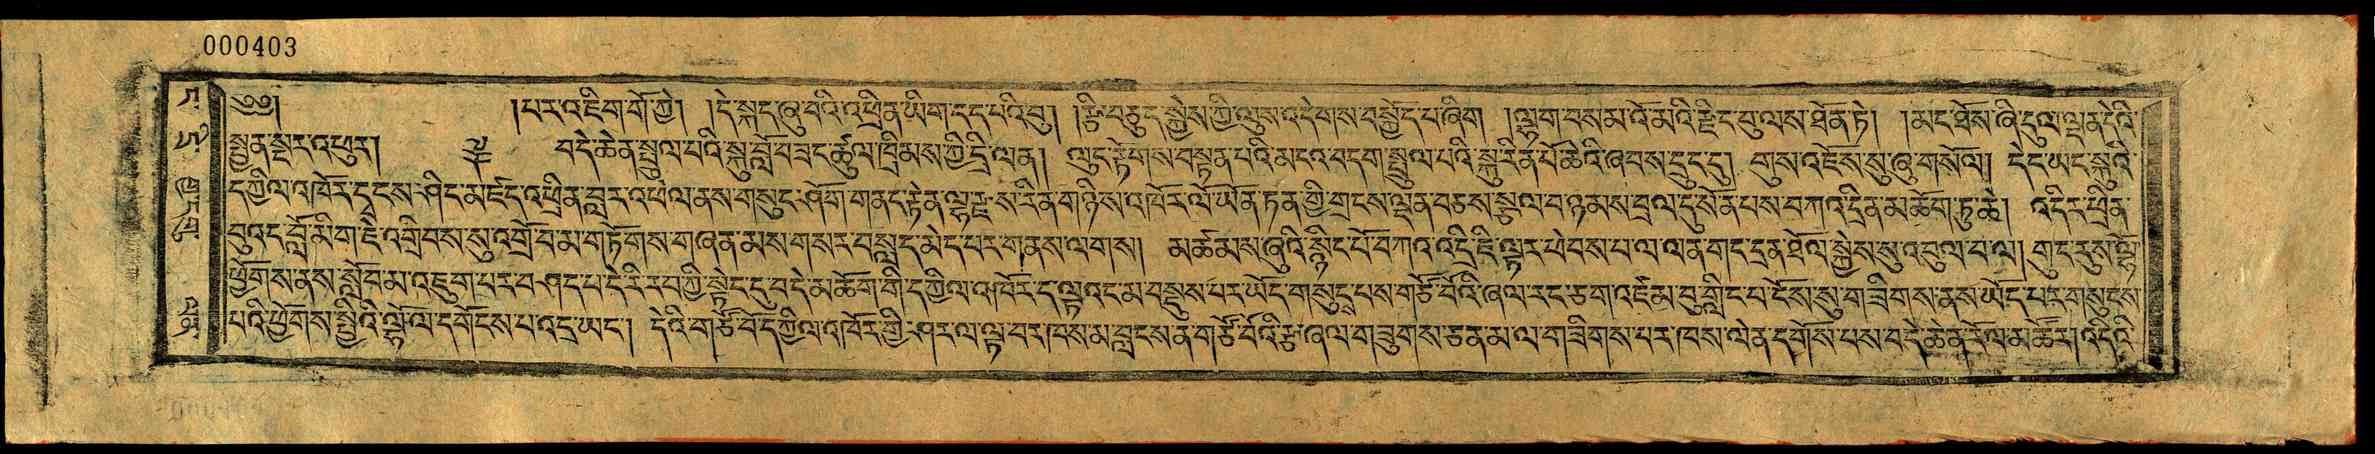༈ བདེ་ཆེན་སྤྲུལ་པའི་སྐུ་བློ་བཟང་ཚུལ་ཁྲིམས་ཀྱི་དྲི་ལན། ལུང་རྟོགས་བསྟན་པའི་མངའ་བདག་སྤྲུལ་པའི་སྐུ་རིན་པོ་ཆེའི་ཞབས་དྲུང་དུ། གུས་འཇོས་སུ་ཞུ་གསོལ། དེང་ཡང་སྐུའི་
དཀྱིལ་འཁོར་དྭངས་ཤིང་མཛད་འཕྲིན་བླར་འཕེལ་ནས་གསུང་ཤོག་གནང་རྟེན་ལྷ་རྫས་རིན་གཉིས་འཁོར་ལོ་ཡོན་ཏན་གྱི་གྲངས་ལྡན་བཅས་སྩལ་བ་ཉམས་བྲལ་དུ་སོན་པས་བཀའ་དྲིན་མཆོག་ཏུ་ཆེ། འདིར་ཕྲན་
བུའང་བློ་མིག་ཇེ་འགྲིབས་སུ་འགྲོ་བ་མ་གཏོགས་གཞན་མས་གསར་བསླད་མེད་པར་གནས་ལགས། མཚམས་ཞུའི་སྙིང་པོ་བཀའ་འདྲི་ཇི་ལྟར་ཕེབས་པ་ལ་ལན་གང་དྲན་ཐོལ་སྐྱེས་སུ་འབུལ་བ་ལ། གུང་རུས་ལྷོ་
ཕྱོགས་ནས་སློབ་མ་འཇུག་པར་བཤད་བ་དེ་རི་རབ་ཀྱི་སྟེང་དུ་བདེ་མཆོག་གི་དཀྱིལ་འཁོར་ད་ལྟའང་མ་བསྡུས་པར་ཡོད་གསུངས་པས་གཙོ་བོའི་ཞལ་རང་ཅག་འཛམ་བུ་གླིང་པ་ངོས་སུ་གཟིགས་ནས་ཡོད་པར་གསུངས་
པའི་ཕྱོགས་སྤྱིའི་ལྷོ་ལ་དགོངས་པ་འདྲ་ཡང་། དེའི་གཙོ་བོ་དཀྱིལ་འཁོར་གྱི་ཤར་ལ་ལྟ་བར་ཁས་མ་བླངས་ན་གཙོ་བོའི་རྩ་ཞལ་གཟུགས་ཅན་མ་ལ་གཟིགས་པར་ཁས་ལེན་དགོས་པས་བདེ་ཆེན་རོལ་མཚོར། འདིའི་